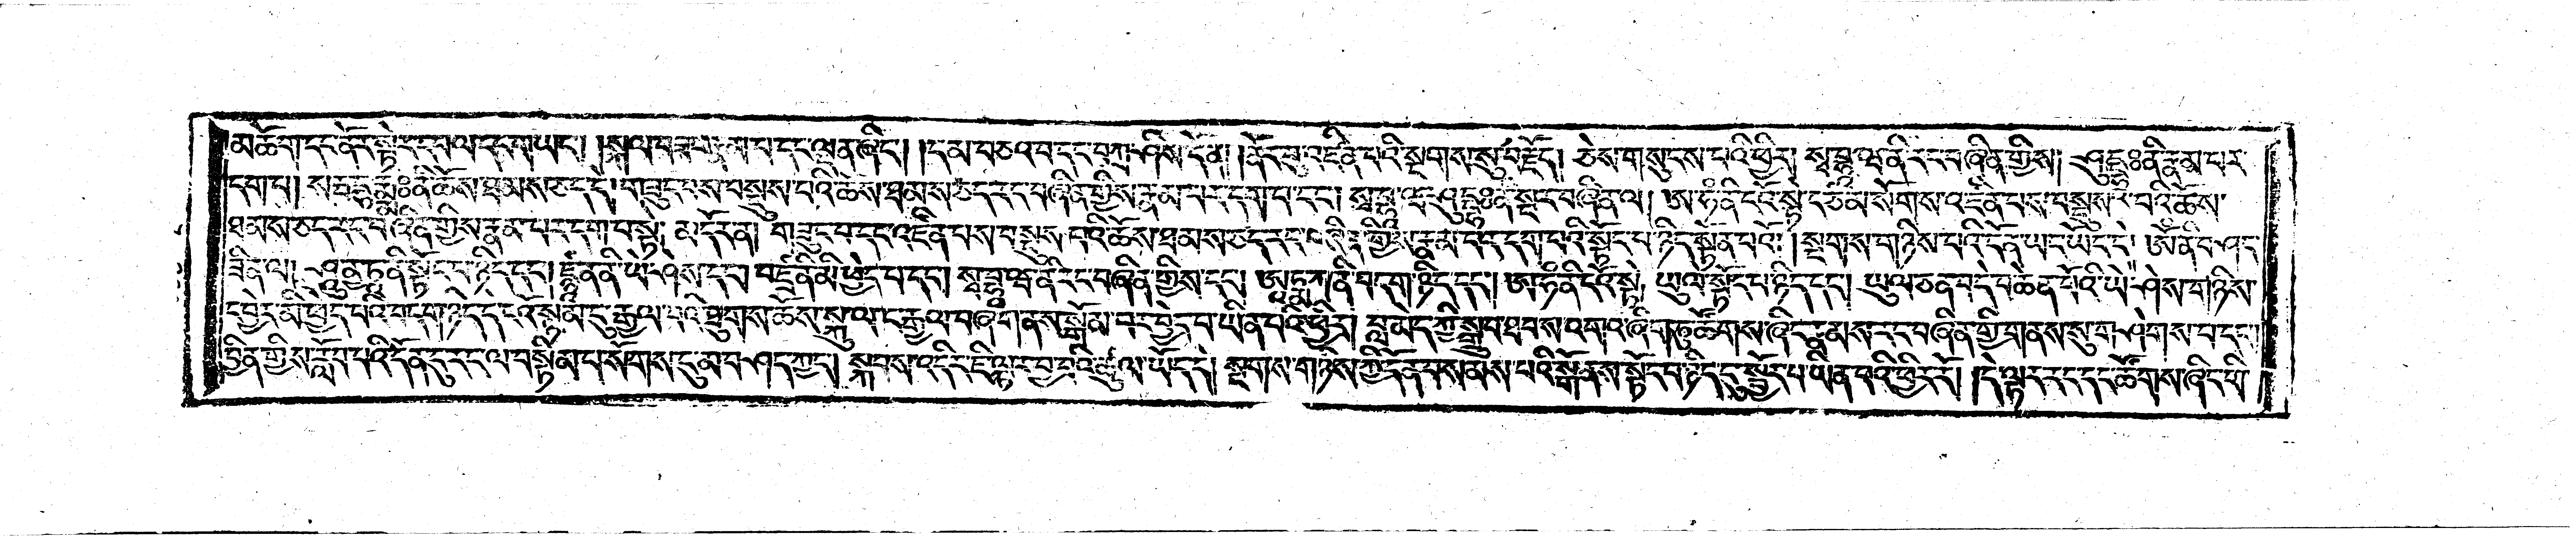མཆོག་དང་ནོར་སྟེར་དཔལ་དང་གཡང་། །སྐལ་བཟང་རྣམ་པ་དང་ལྡན་ཞིང་། །དམ་བཅའ་བ་དང་བཀྲ་ཤིས་དོན། །ནོར་བུ་འཛིན་པའི་སྔགས་སུ་བརྗོད། ཅེས་གསུངས་པའི་ཕྱིར། སྭ་བྷཱ་ཝ་ནི་རང་བཞིན་གྱིས། ཤུདྡྷཱཿ ནི་རྣམ་པར་
དག་པ། སརྦ་དྷརྨྨཿ ནི་ཆོས་ཐམས་ཅད་དེ། གཟུང་བས་བསྡུས་པའི་ཆོས་ཐམས་ཅད་རང་བཞིན་གྱིས་རྣམ་པར་དག་པ་དང་། སྭ་བྷཱ་ཝ་ཤུདྡྷཿ ནི་སྔར་བཞིན་ལ། ཨ་ཧཾ་ནི་ངའོ་སྟེ་ད་ཙམ་སོགས་འཛིན་པས་བསྡུས་པའི་ཆོས་
ཐམས་ཅད་རང་བཞིན་གྱིས་རྣམ་པར་དག་པ་སྟེ། མདོར་ན། གཟུང་བ་དང་འཛིན་པས་བསྡུས་པའི་ཆོས་ཐམས་ཅད་རང་བཞིན་གྱིས་རྣམ་པར་དག་པའི་སྟོང་པ་ཉིད་སྟོན་པའོ། །སྔགས་གཉིས་པའི་དོན་ཡང་ཡོད་དེ། ཨོཾ་ནི་བཤད་
ཟིན་ལ། ཤཱུ་ཉ་ཏཱ་ནི་སྟོང་པ་ཉིད་དང་། ཛྙཱན་ནི་ཡེ་ཤེས་དང་། བཛྲ་ནི་མི་ཕྱེད་པ་དང་། སྭ་བྷཱ་ཝ་ནི་རང་བཞིན་གྱིས་ངང་། ཨཱཏམ་ཀ་ནི་བདག་ཉིད་དང་། ཨ་ཧཾ་ནི་ངའོ་སྟེ། ཡུལ་སྟོང་པ་ཉིད་དང་། ཡུལ་ཅན་བདེ་བ་ཆེན་པོའི་ཡེ་ཤེས་གཉིས་
དབྱེར་མི་ཕྱེད་པའི་བདག་ཉིད་དེ་ངའོ་སྙམ་དུ་རྒྱལ་བའི་ཐུགས་ཆོས་སྐུ་ལ་ང་རྒྱལ་བཞག་ནས་སྒོམ་པར་བྱེད་པ་ཡིན་པའི་ཕྱིར། བླ་མེད་ཀྱི་སྒྲུབ་ཐབས་འགའ་ཞིག་ཏུ་ཚོགས་ཞིང་རྣམས་རང་བཞིན་གྱི་གནས་སུ་གཤེགས་པ་དང་།
བྱིན་གྱིས་རློབ་པའི་དོན་དུ་རང་ལ་བསྟིམ་པ་སོགས་དུ་མ་བཤད་ཀྱང་། སྐབས་འདིར་ཇི་ལྟར་བྱ་བའི་ཚུལ་ཡོད་དེ། སྔགས་གཉིས་ཀྱི་དོན་བསམས་པའི་སྒོ་ནས་སྟོང་པ་ཉིད་དུ་སྦྱོར་བ་ཡིན་པའི་ཕྱིར་རོ། །དེ་ལྟར་རང་དང་ཚོགས་ཞིང་གི་